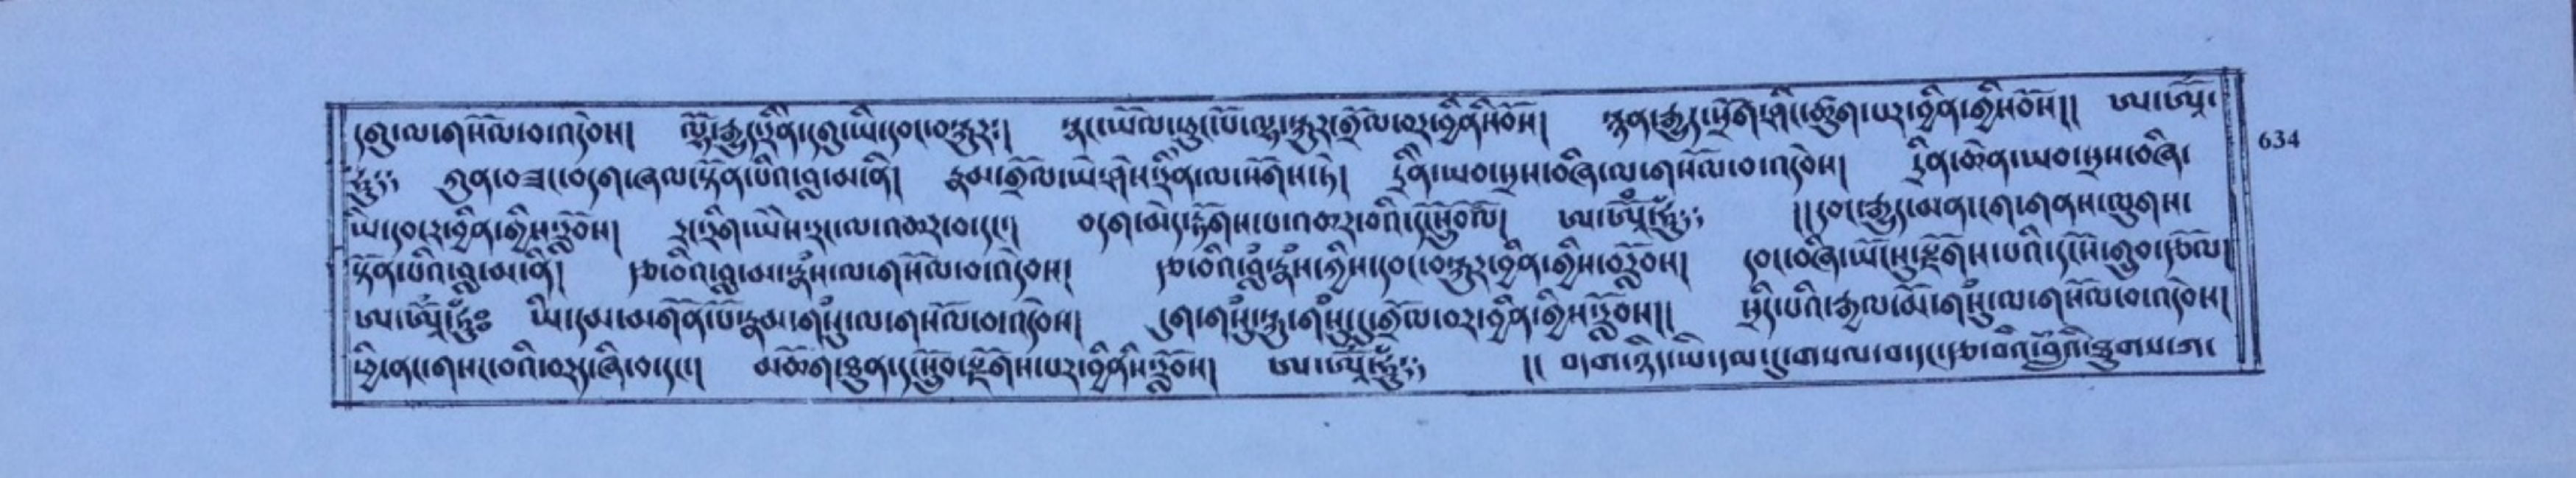དགུ་ལ༴ ལྷོ་བརྒྱུད་རིག་འཛིན་དགུའི་དབང་བསྐུར༴། སྣང་ཡོལ་ཕུང་པོ་ལྷ་སྐུར་གྲོལ༴། སྙན་རྒྱུད་སྲོག་ཤིང་ཚུགས་པའི་དངོས་གྲུབ༴། ཨཱོཾ་ཨ་
ཧཱུྃ། ཀུན་བཟང་བདག་ཞལ་སྟོན་པའི་བླ་མ་ནི། རྣམ་གྲོལ་ཡེ་ཤེས་རིན་ཆེན་ལ༴། དྲིན་ཆེན་ཡབ་སྲས་བཞི་ལ་གསོལ༴། དྲིན་ཆེན་ཡབ་སྲས་བཞི་
ཡི་དབང་བསྐུར་བྱིན་གྱིས་རློབ། རང་རིག་ཡེ་ཤེས་རང་ལ་འཆར་བ་དང་། བདག་མེད་རྟོགས་པ་འཆར་བའི་དངོས་གྲུབ་སྩོལ། ཨཱོཾ་ཨ་ཧཱུྃ།། དབང་རྒྱུད་མན་ངག་གནས་ལུགས་
སྟོན་པའི་བླ་མ་ནི། རྩ་བའི་བླ་མ་རྣམས་ལ་གསོལ་བ་འདེབས། རྩ་བའི་བླ་མ་རྣམས་ཀྱི་དབང་༴། དབང་བཞི་ཡོངས་སུ་རྫོགས་པའི་དངོས་གྲུབ་རྩོལ། 
ཨཱོཾ་ཨ་ཧཱུྃ། ཡི་དམ་མགོན་པོ་གསུམ་ལ་གསོལ༴། དུག་གསུམ་སྐུ་གསུམ་དུ་གྲོལ་བར་བྱིན༴། སྲིད་པའི་རྒྱལ་པོ་གསུམ་ལ་གསོལ་བ་འདེབས། 
ཕྱི་ནང་གསང་བའི་བར་ཆད་ཞི་བ་དང་། མཆོག་ཐུན་དངོས་གྲུབ་རྫོགས་པར་བྱིན་གྱིས་རློབ། ཨཱོཾ་ཨ་ཧཱུྃ།། །།བདག་ཡི་དམ་དུ་གསལ་བ་དང་རྩ་བའི་བླ་མའི་ཐུགས་ཀ་